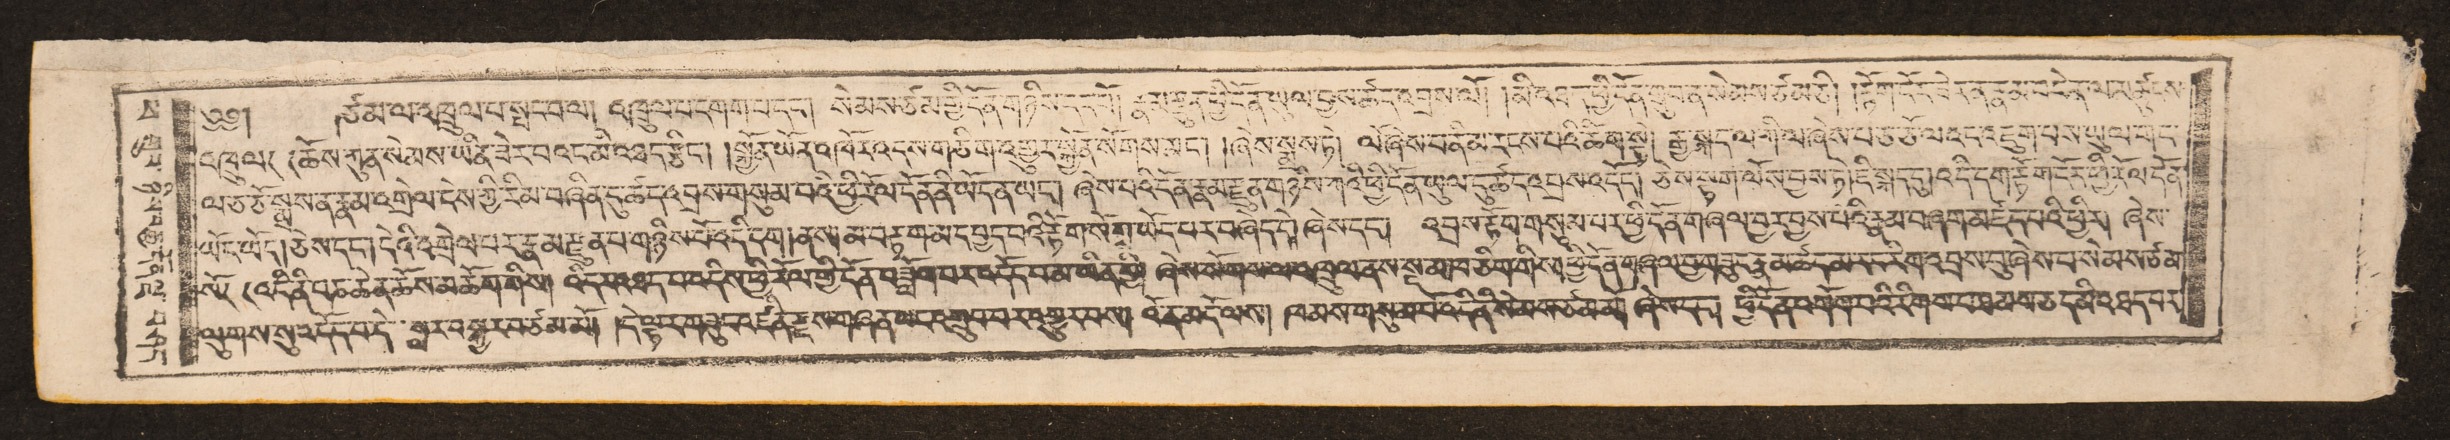༄༅། །ཙམ་ལ་འཁྲུལ་བ་སྤང་བ་ལ། འཁྲུལ་པ་དགག་པ་དང་། སེམས་ཙམ་གྱི་དོན་གཉིས་དང་པོ། རྣམ་རྫུན་ཕྱི་དོན་ཡུལ་བྱས་ཚད་འབྲས་ལོ། །མི་འཐད་ཕྱི་དོན་གྲུབ་ན་སེམས་ཙམ་ཅི། །རྟོག་ངོར་ཟེར་ན་རྣམ་བདེན་ལ་མཚུངས་
འཁྲུལ༑ ༑ཆོས་ཀུན་སེམས་ཡིན་ཟེར་བ་འང་མི་འཐད་རྩིང་། །སྐྱོན་ཡོན་འཁོར་འདས་གཅིག་འགྱུར་སྐྱོན་སོགས་མང་། །ཞེས་སྨྲས་ཏེ། ལོ་ཞེས་པ་ནི་མ་རངས་པའི་ཚིག་སྟེ། རྒྱ་སྐད་ལ་ཀི་ལ་ཞེས་པ་ཅ་ཅོ་ལའང་འཇུག་པས་ཡུལ་གང་
ལ་ཅ་ཅོ་སྨྲས་ན་རྣམ་འགྲེལ་ངེས་ཀྱི་རིམ་བཞིན་དུ་ཚད་འབྲས་གསུམ་པའི་ཕྱི་རོལ་དོན་ནི་ཡོད་ན་ཡང་། ཞེས་པའི་དོན་རྣམ་རྫུན་གཉིས་ཀའི་ཕྱི་དོན་ཡུལ་དུ་ཚད་འབྲས་འདོང་། ཅེས་སྟག་ལོས་བྱས་ཏེ། ཇི་སྐད་དུ། འདི་དག་རྟོག་ངོར་ཕྱི་རོལ་དོན་
ཡང་ཡོད། ཅེས་དང་། དེའི་འགྲེལ་པར་རྣམ་རྫུན་པ་གཉིས་པོ་འདི་དག །ནས། མ་བརྟག་མ་དཔྱད་པའི་རྟོག་སོགས་ཡོད་པར་བཞེད་དེ། ཞེས་དང་། འབྲས་རྟོག་གསུམ་པར་ཕྱི་དོན་གཞལ་བྱར་བྱས་པའི་རྣམ་བཞག་མཛད་པའི་ཕྱིར། ཞེས་
སོ༑ ༑འདི་ནི་པཎ་ཆེན་ཆོས་མཆོག་གིས། འདིར་འཐད་པ་འདིས་ཕྱི་རོལ་གྱི་དོན་བཟློག་པར་འདོད་པ་མ་ཡིན་གྱི། ཞེས་སོགས་ལ་འཁྲུལ་ནས་སྔ་མ་ཁ་ཅིག་གིས། ཕྱི་དོན་གཞལ་བྱ་གཟུང་རྣམ་ཚད་མ་རང་རིག་འབྲས་བུ་ཞེས་པ་སེམས་ཙམ་
ལུགས་སུ་འདོད་པ་དེ་སླར་བསྐྱར་བ་ཙམ་མོ། །དེ་ལྟར་གཟུང་འཛིན་རྫས་གཞན་ཡང་འགྲུབ་པར་འགྱུར་བས། འོ་ན་མདོ་ལས། ཁམས་གསུམ་པོ་འདི་ནི་སེམས་ཙམ་མོ། ཞེས་དང་། ཕྱི་དོན་འགོག་པའི་རིགས་པ་ཐམས་ཅད་མི་འཐད་པར་